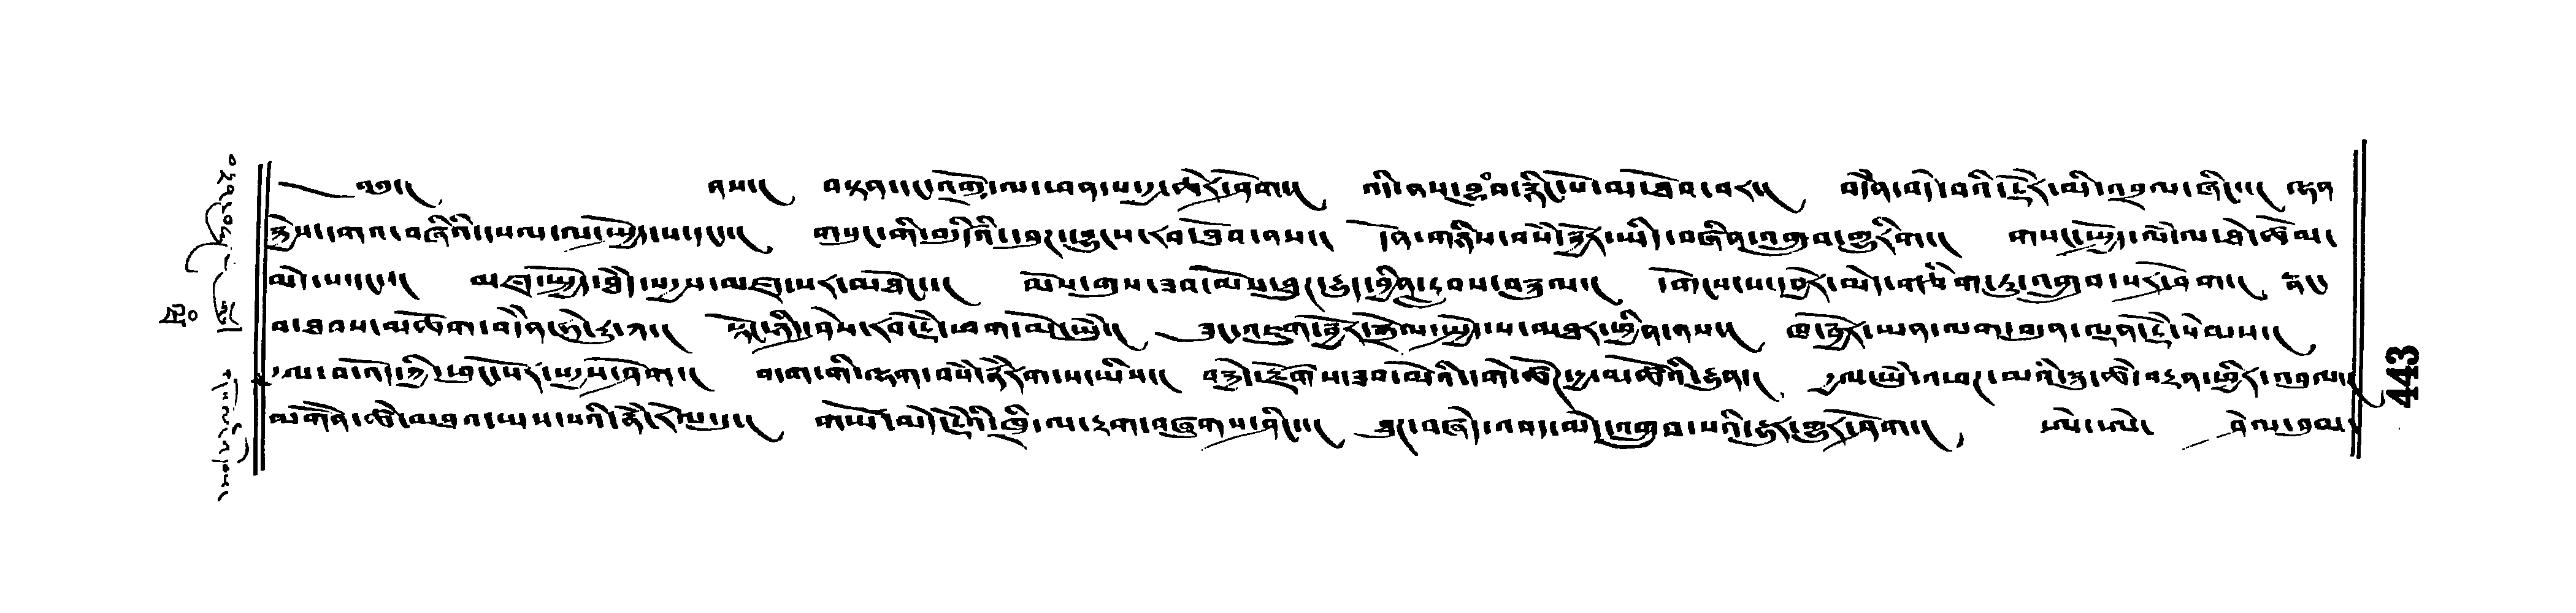ནས། །བསྟན་དང་འགྲོ་ལ་ཕན་པ་རྒྱ་ཆེར་ཤོག །འདི་ནས་བྱང་ཆུབ་སྙིང་པོ་མ་ཐོབ་བར། །བདེ་ཆེན་བདེ་བའི་རྡོ་རྗེ་མི་འབྲལ་ཞིང་། །ལྷན་
སྐྱེས་དགའ་བཞིའི་དཔལ་ལ་སྤྱོད་པ་དང་། །གསུང་གི་བདུད་རྩིའི་དབུགས་དབྱུང་རབ་ཐོབ་ནས། །དོན་གཉིས་བསམ་སྦྱོར་ཡིད་བཞིན་འགྲུབ་གྱུར་ཅིག །གསང་སྤྱོད་ལམ་ལ་ཐེ་ཚོམ་
མེད་པ་དང་། །མཛད་སྤྱོད་ཐམས་ཅད་སངས་རྒྱས་མཛད་པར་མཐོང་། །མོས་གུས་ཟབ་མོས་ཐུགས་རྒྱུད་བྱིན་རླབས་བསྐུལ། །དགོངས་པ་དབྱེར་མེད་གཅིག་ཏུ་འགྲུབ་པར་ཤོག །སྣང་
བ་ཐབས་མཆོག་བདེ་ཆེན་ཧེ་རུ་ཀ །སྟོང་ཉིད་ཤེས་རབ་རྡོ་རྗེ་ཕག་མོ་ཡུམ། །ཟུང་འཇུག་སྦྱོར་སྒྲོལ་སྤྱོད་པ་མཐར་ཕྱིན་ནས། ཁ་སྦྱོར་ཡན་ལག་བདུན་ལྡན་རྡོ་རྗེ་སེམས། །
རྒྱལ་བ་འོད་ཀྱི་ཕུང་པོར་སངས་རྒྱས་ཤོག །བདག་གི་ལྷག་བསམ་རྣམ་པར་དག་པ་ཡིས། །བསྐྱེད་རྫོགས་ཟབ་མོའི་དགེ་ཚོགས་རྒྱ་མཚོའི་རྒྱུན། །རྒྱལ་ཡུམ་འཕགས་མའི་སྐུ་ཚེ་བརྟན་ཕྱིར་འབུལ། །
མགོན་པོ་ཚེ་མཐའ་ཡས་པའི་རྣམ་རོལ་དུ། །གཡོ་མེད་རྡོ་རྗེའི་ཁྲི་ལ་རྟག་བཞུགས་ཤིང་། །ཐུགས་བཞེད་འབད་མེད་འགྲུབ་པའི་རྒྱུར་འགྱུར་ཤོག ཨེ་ཨེ། ཤེལ་བུམ་